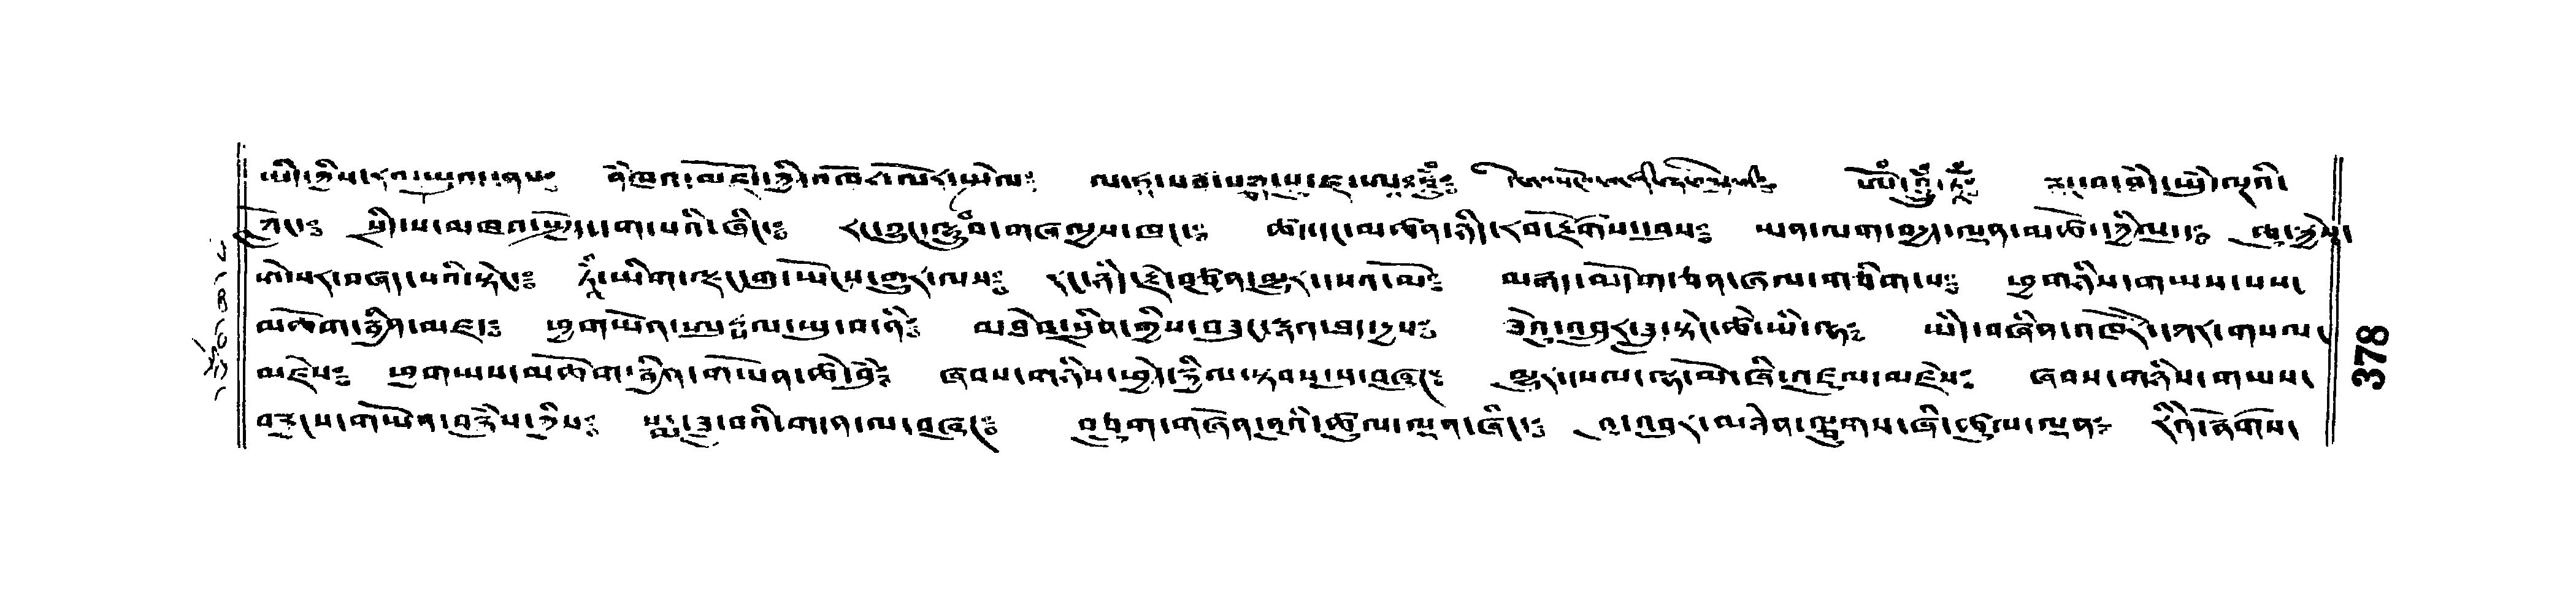ཡིད་ཀྱིས་རབ་སྤྲུལ་ནས༔ ནམ་མཁའ་མཛོད་ཀྱི་འཁོར་ལོར་སྤེལ༔ མ་ཧཱ་སརྦ་པཉྩ་པཱུ་ཛ་ཨཱཿཧཱུྃ༔ དེ་ནས་དངོས་གཞི་ལྷ་བསྐྱེད་ནི༔ ཨོཾ་བྷྲཱུྃ་ཏཱྃཿ སྣང་བ་ཐམས་ཅད་ཡུམ་ལྔའི་
ཀློང༔ སྲིད་པ་མཁའ་སྤྱོད་དག་པའི་ཞིང༔ རང་བྱུང་ལྷུན་གྲུབ་གཞལ་ཡས་ཁང༔ ཚད་དང་མཚན་ཉིད་རབ་རྫོགས་དབུས༔ ཡན་ལག་བརྒྱད་ལྡན་མཚོ་དཀྱིལ་དུ༔ ཆུ་སྐྱེས་
གེ་སར་བཞད་པའི་སྟེང༔ ཏཱྃ་ཡིག་ལྗང་གུ་ཡོངས་གྱུར་ལས༔རང་ཉིད་རྗེ་བཙུན་མྱུར་དཔའ་མོ༔ མརྒད་མདོག་ཅན་ཞལ་གཅིག་པ༔ ཕྱག་གཉིས་གཡས་པས་
མཆོག་སྦྱིན་མཛད༔ ཕྱག་གཡོན་ཨུཏྤལ་ཡུ་བ་ནི༔ མཐེབ་སྲིན་གྱིས་བཟུང་རྙན་ཐད་རྒྱས༔ ཟེའུ་འབྲུར་ཟླ་སྟེང་ཚེ་ཡི་ལྷ༔ ཡིད་བཞིན་འཁོར་ལོ་དཀར་གསལ་
མཛེས༔ ཕྱག་གཡས་མཆོག་སྦྱིན་གཡོན་ཚེ་བུམ༔ ཞབས་གཉིས་ཕྱེད་སྐྱིལ་སྟབས་སུ་བཞུགས༔ མྱུར་དཔལ་ལྷ་མོ་ཞི་འཛུམ་མཛེས༔ ཞབས་གཉིས་གཡས་
བརྐྱངས་གཡོན་བསྐུམས་ཀྱིས༔ པདྨ་ཟླ་བའི་གདན་ལ་བཞུགས༔ བཅུ་དྲུག་གཞོན་ནུའི་ཚུལ་ལྡན་ཞིང༔ ནུ་འབུར་མཉེན་ལྕུག་ཞི་ཚུལ་ལྡན༔ རིན་ཆེན་སྣ་ཚོགས་